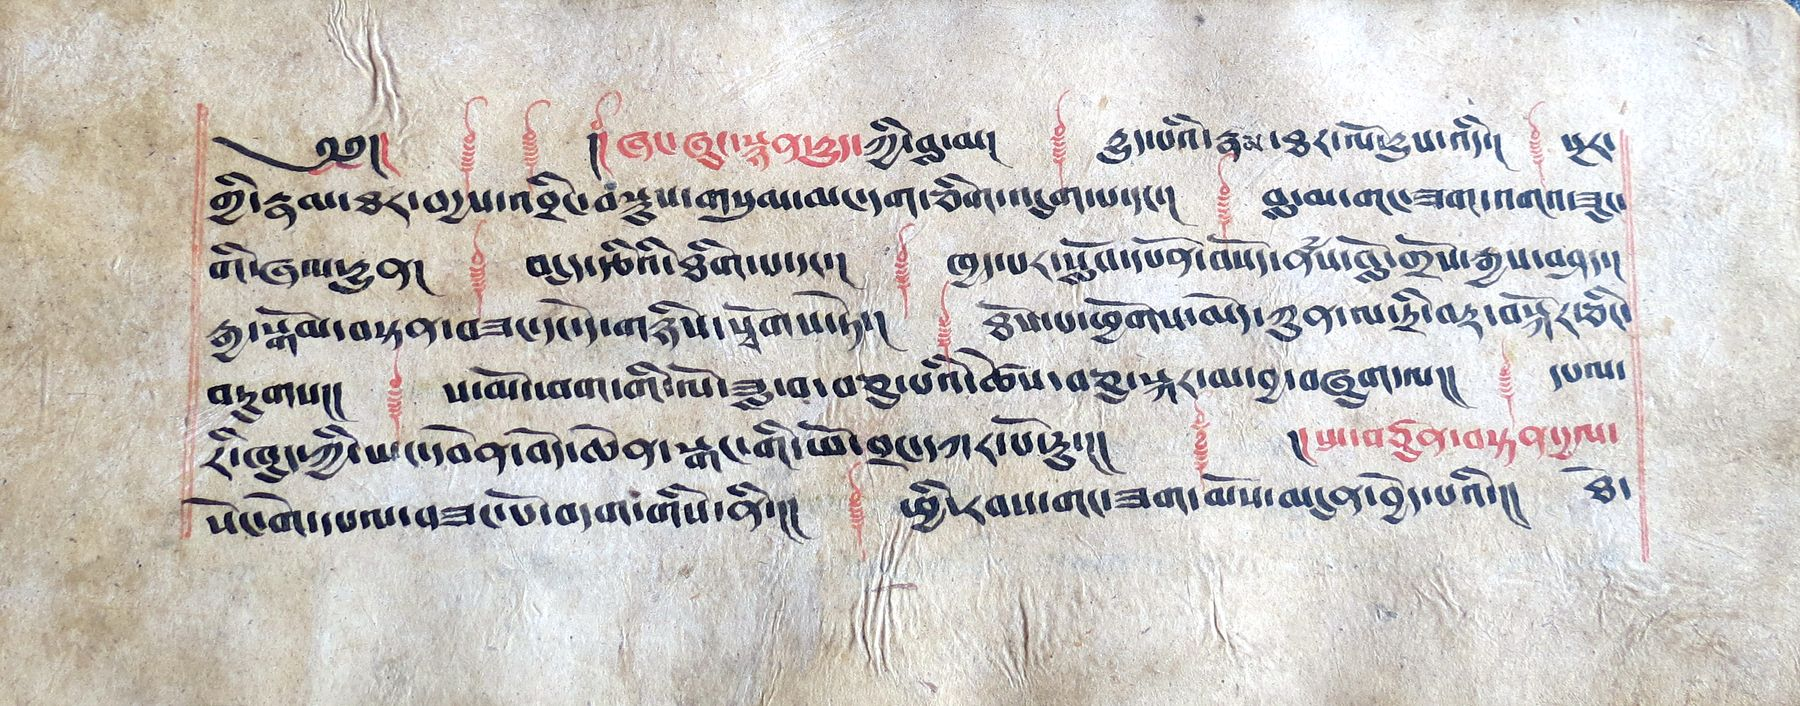ཞང་ཞུང་སྙན་རྒྱུད་ཀྱི་བླ་མ་རྒྱུད་པའི་རྣམ་ཐར་ལོ་རྒྱུས་འདི། སྔར་
གྱི་རྣམ་ཐར་རྒྱས་འབྲིང་བསྡུས་གསུམ་མང་དག་ཅིག་འདུག་པ་དང་། བླ་མ་གང་ཟག་འགའ་ཟུང་
གི་ཞལ་རྒྱུན་བདུད་རྩིའི་ཐིགས་པ་དང་། ཁྱད་པར་བསོད་ནམས་བློ་གྲོས་རྒྱས་བཤད་
རྒྱ་སྒོམ་བསྟན་བཟང་དང་དེ་གཉིས་སོགས་ཏེ། ཐོས་པ་ཕྱོགས་མེད་ཀུན་ལ་དྲི་བརྡ་བསྐོར་ཅིང་
གཏུགས། ས་མོ་ཕག་གི་ལོ་ཟླ་བ་བཅུ་པའི་ཚེས་བཅུ་སྐར་མ་བྱ་གཞུག་ལ། དཔལ་
རི་ཁུད་ཀྱི་ཡང་དབེན་བདེ་ཆེན་སྒང་གི་ཕོ་བྲང་དཀར་པོ་རུ། སྤ་བཙུན་བསྟན་རྒྱལ་
སེང་གེ་དཔལ་བཟང་པོ་བདག་གིས་ནི། ཕྱི་རབས་གང་ཟག་མོས་འདུན་བྱེད་པའི། ཐེ་